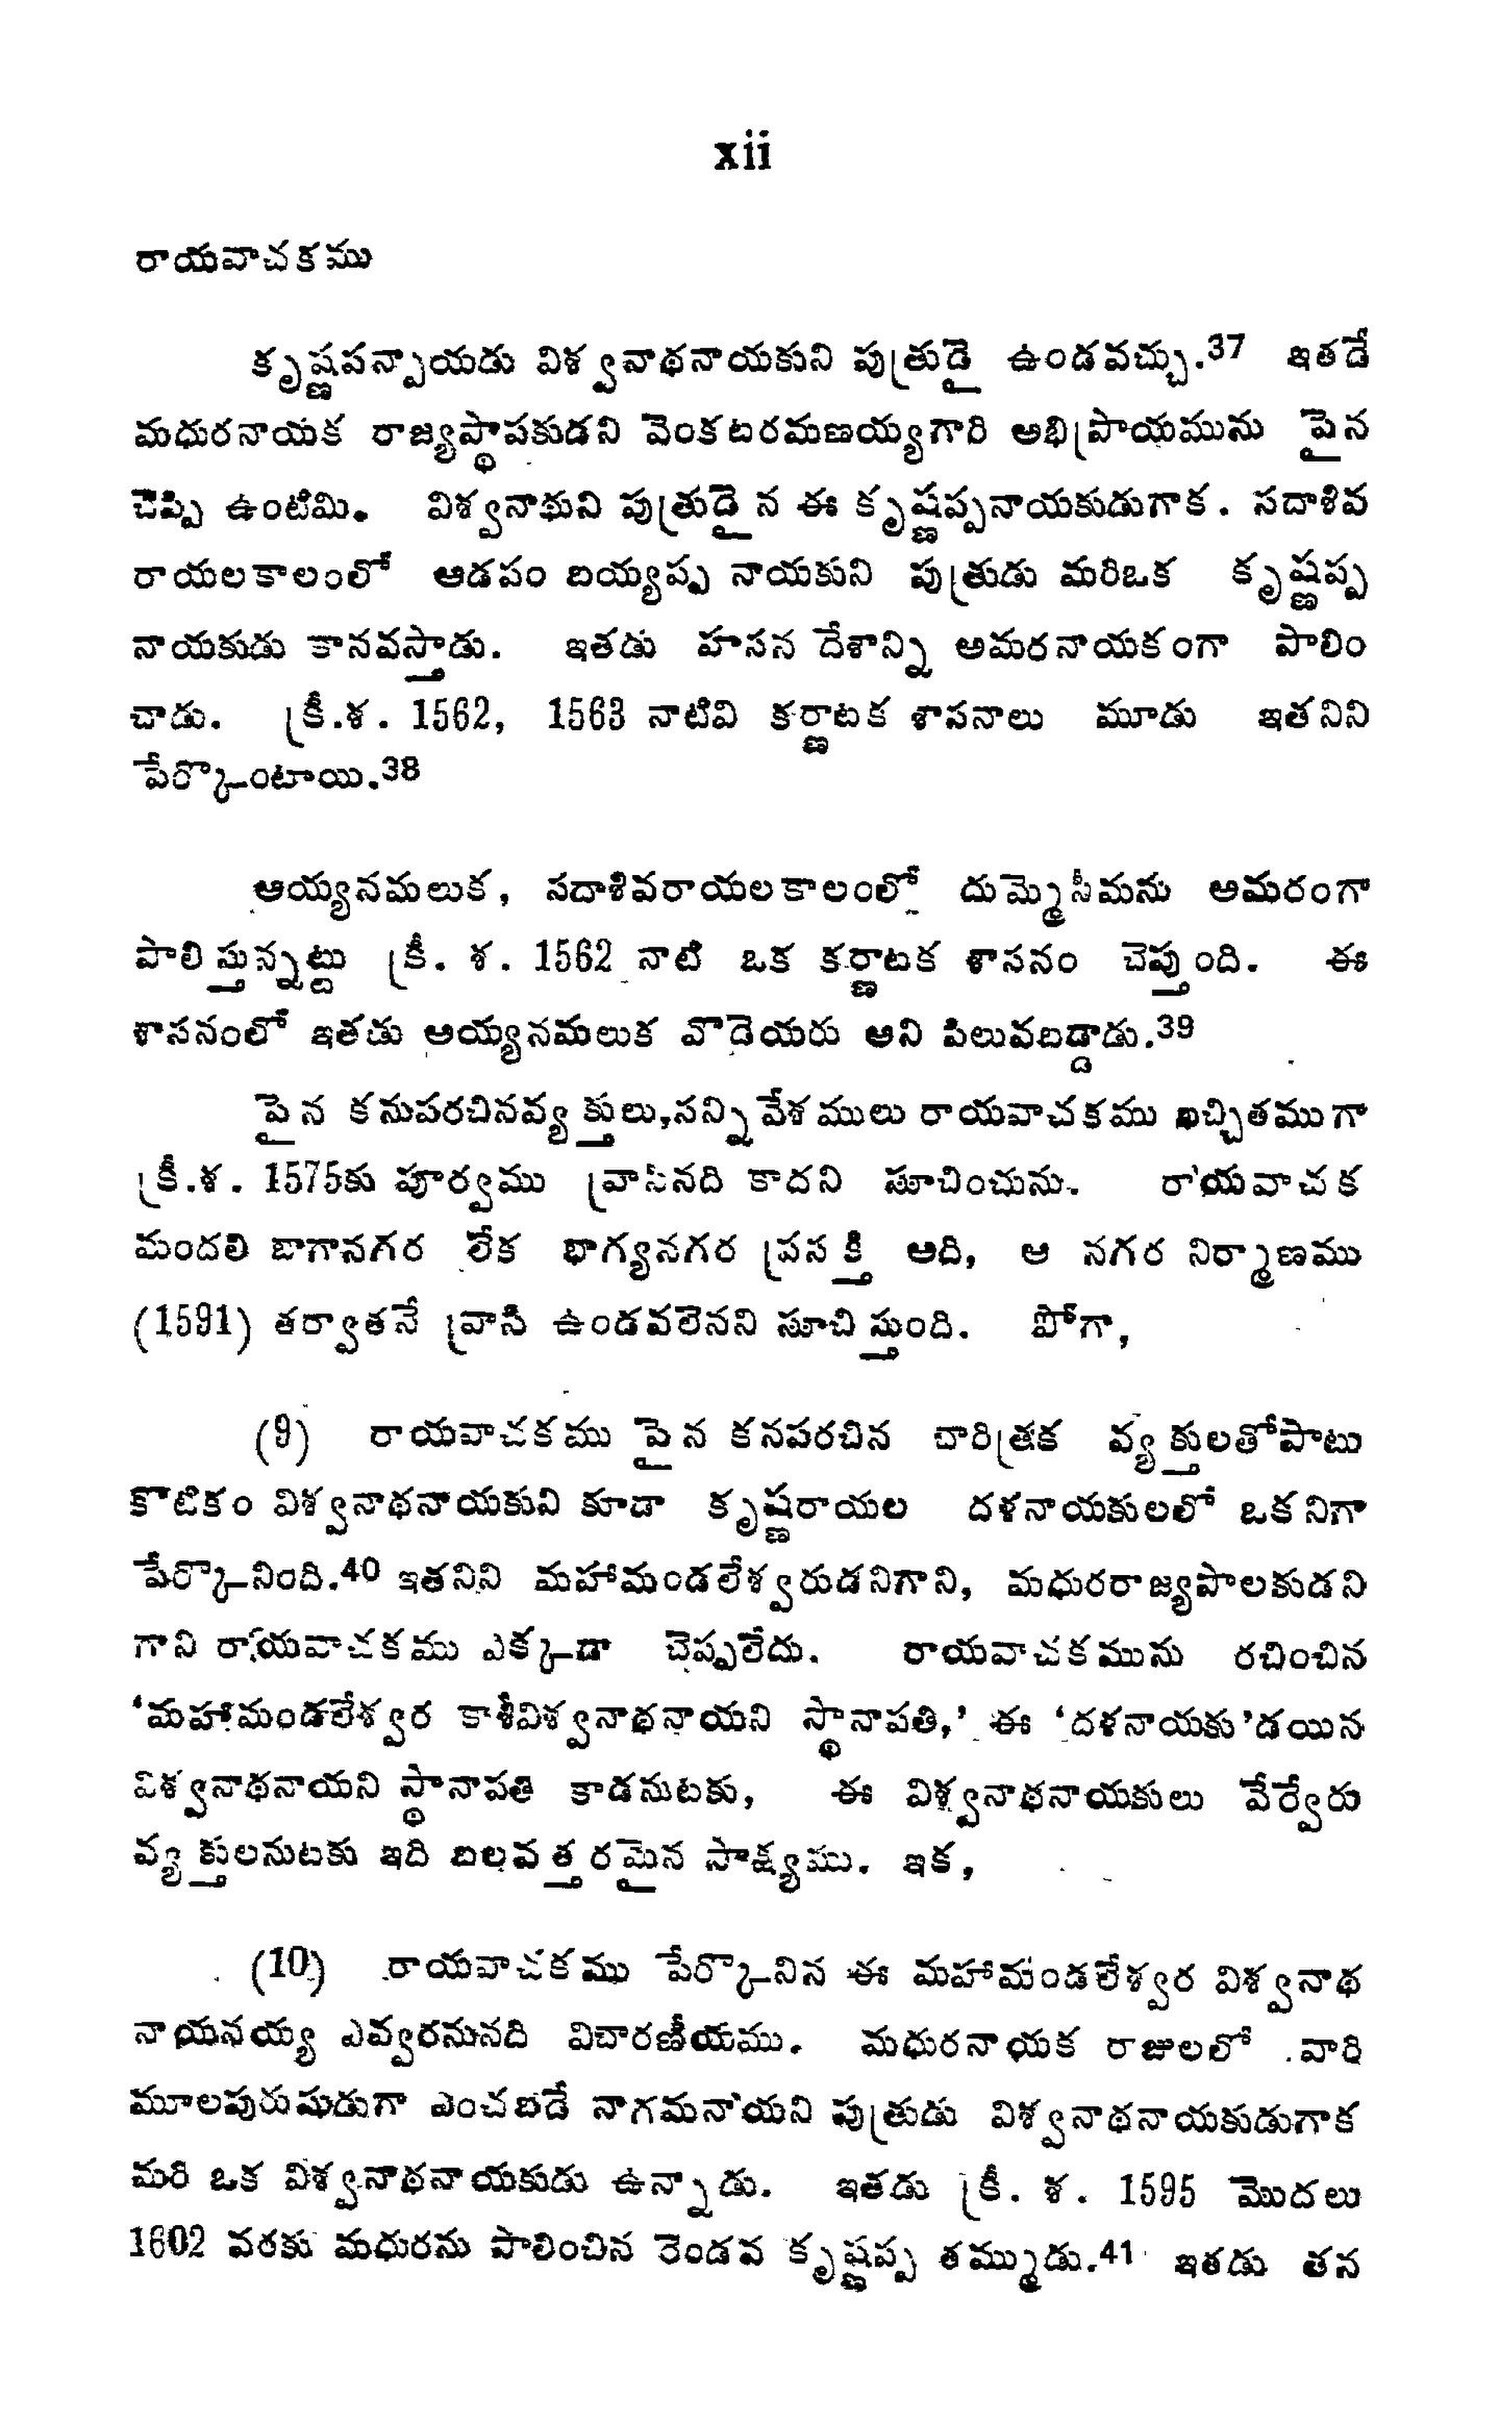కృష్ణప్పనాయడు విశ్వనాథనాయకుని పుత్రుడై ఉండవచ్చు. ఇతడే మధురనాయక రాజ్యస్థాపకుడని వెంకటరమణయ్యగారి అభిప్రాయమును పైన చెప్పి ఉంటిమి. విశ్వనాథుని పుత్రుడైన ఈ కృష్ణప్పనాయకుడుగాక. సదాశివరాయలకాలంలో ఆడపం బయ్యప్పనాయకుని పుత్రుడు మరిఒక కృష్ణప్పనాయకుడు కానవస్తాడు. ఇతడు హసన దేశాన్ని అమరనాయకంగా పాలించాడు. క్రీ.శ. 1562,1563 నాటివి కర్ణాటకశాసనాలు మూడు ఇతనిని పేర్కొంటాయి.

అయ్యనమలుక, సదాశివరాయలకాలంలో దుమ్మెసీమను అమరంగా పాలిస్తున్నట్టు క్రీ.శ. 1562 నాటి ఒక కర్ణాటకశాసనం చెప్తుంది. శాసనంలో ఇతడు అయ్యనమలుక వొడెయరు అని పిలువబడ్డాడు.

పైన కనుపరచినవ్యక్తులు, సన్నివేశములు రాయవాచకము ఖచ్చితముగా క్రీ.శ. 1575కు పూర్వము వ్రాసినది కాదని సూచించును. రాయవాచక మందలి బాగానగర లేక భాగ్యనగర ప్రసక్తి ఆది, ఆ నగర నిర్మాణము (1591) తర్వాతనే వ్రాసి ఉండవలెనని సూచిస్తుంది. పోగా,

(9) రాయవాచకము పైన కనపరచిన చారిత్రకవ్యక్తులతోపాటు కొటికం విశ్వనాథనాయకుని కూడా కృష్ణరాయల దళనాయకులలో ఒకనిగా పేర్కొనింది. ఇతనిని మహామండలేశ్వరుడని గాని, మధురరాజ్యపాలకుడని గాని రాయవాచకము ఎక్కడా చెప్పలేదు. రాయవాచకమును రచించిన 'మహామండలేశ్వర కాశీవిశ్వనాథనాయని స్థానాపతి,' ఈ 'దళనాయకు' డయిన విశ్వనాథనాయని స్థానాపతి కా డనుటకు, ఈ విశ్వనాథనాయకులు వేర్వేరువ్యక్తు లనుటకు ఇది బలవత్తరమైన సాక్ష్యము. ఇక,

(10) రాయవాచకము పేర్కొనిన ఈ మహామండలేశ్వర విశ్వనాథ నాయనయ్య ఎవ్వ రనునది విచారణీయము. మధురనాయకరాజులలో వారి మూలపురుషుడుగా ఎంచబడే నాగమనాయని పుత్రుడు విశ్వనాథనాయకుడు గాక మరి ఒక విశ్వనాథనాయకుడు ఉన్నాడు. ఇతడు క్రీ.శ. 1595 మొదలు 1602 వరకు మధురను పాలించిన రెండవ కృష్ణప్ప తమ్ముడు. ఇతడు తన